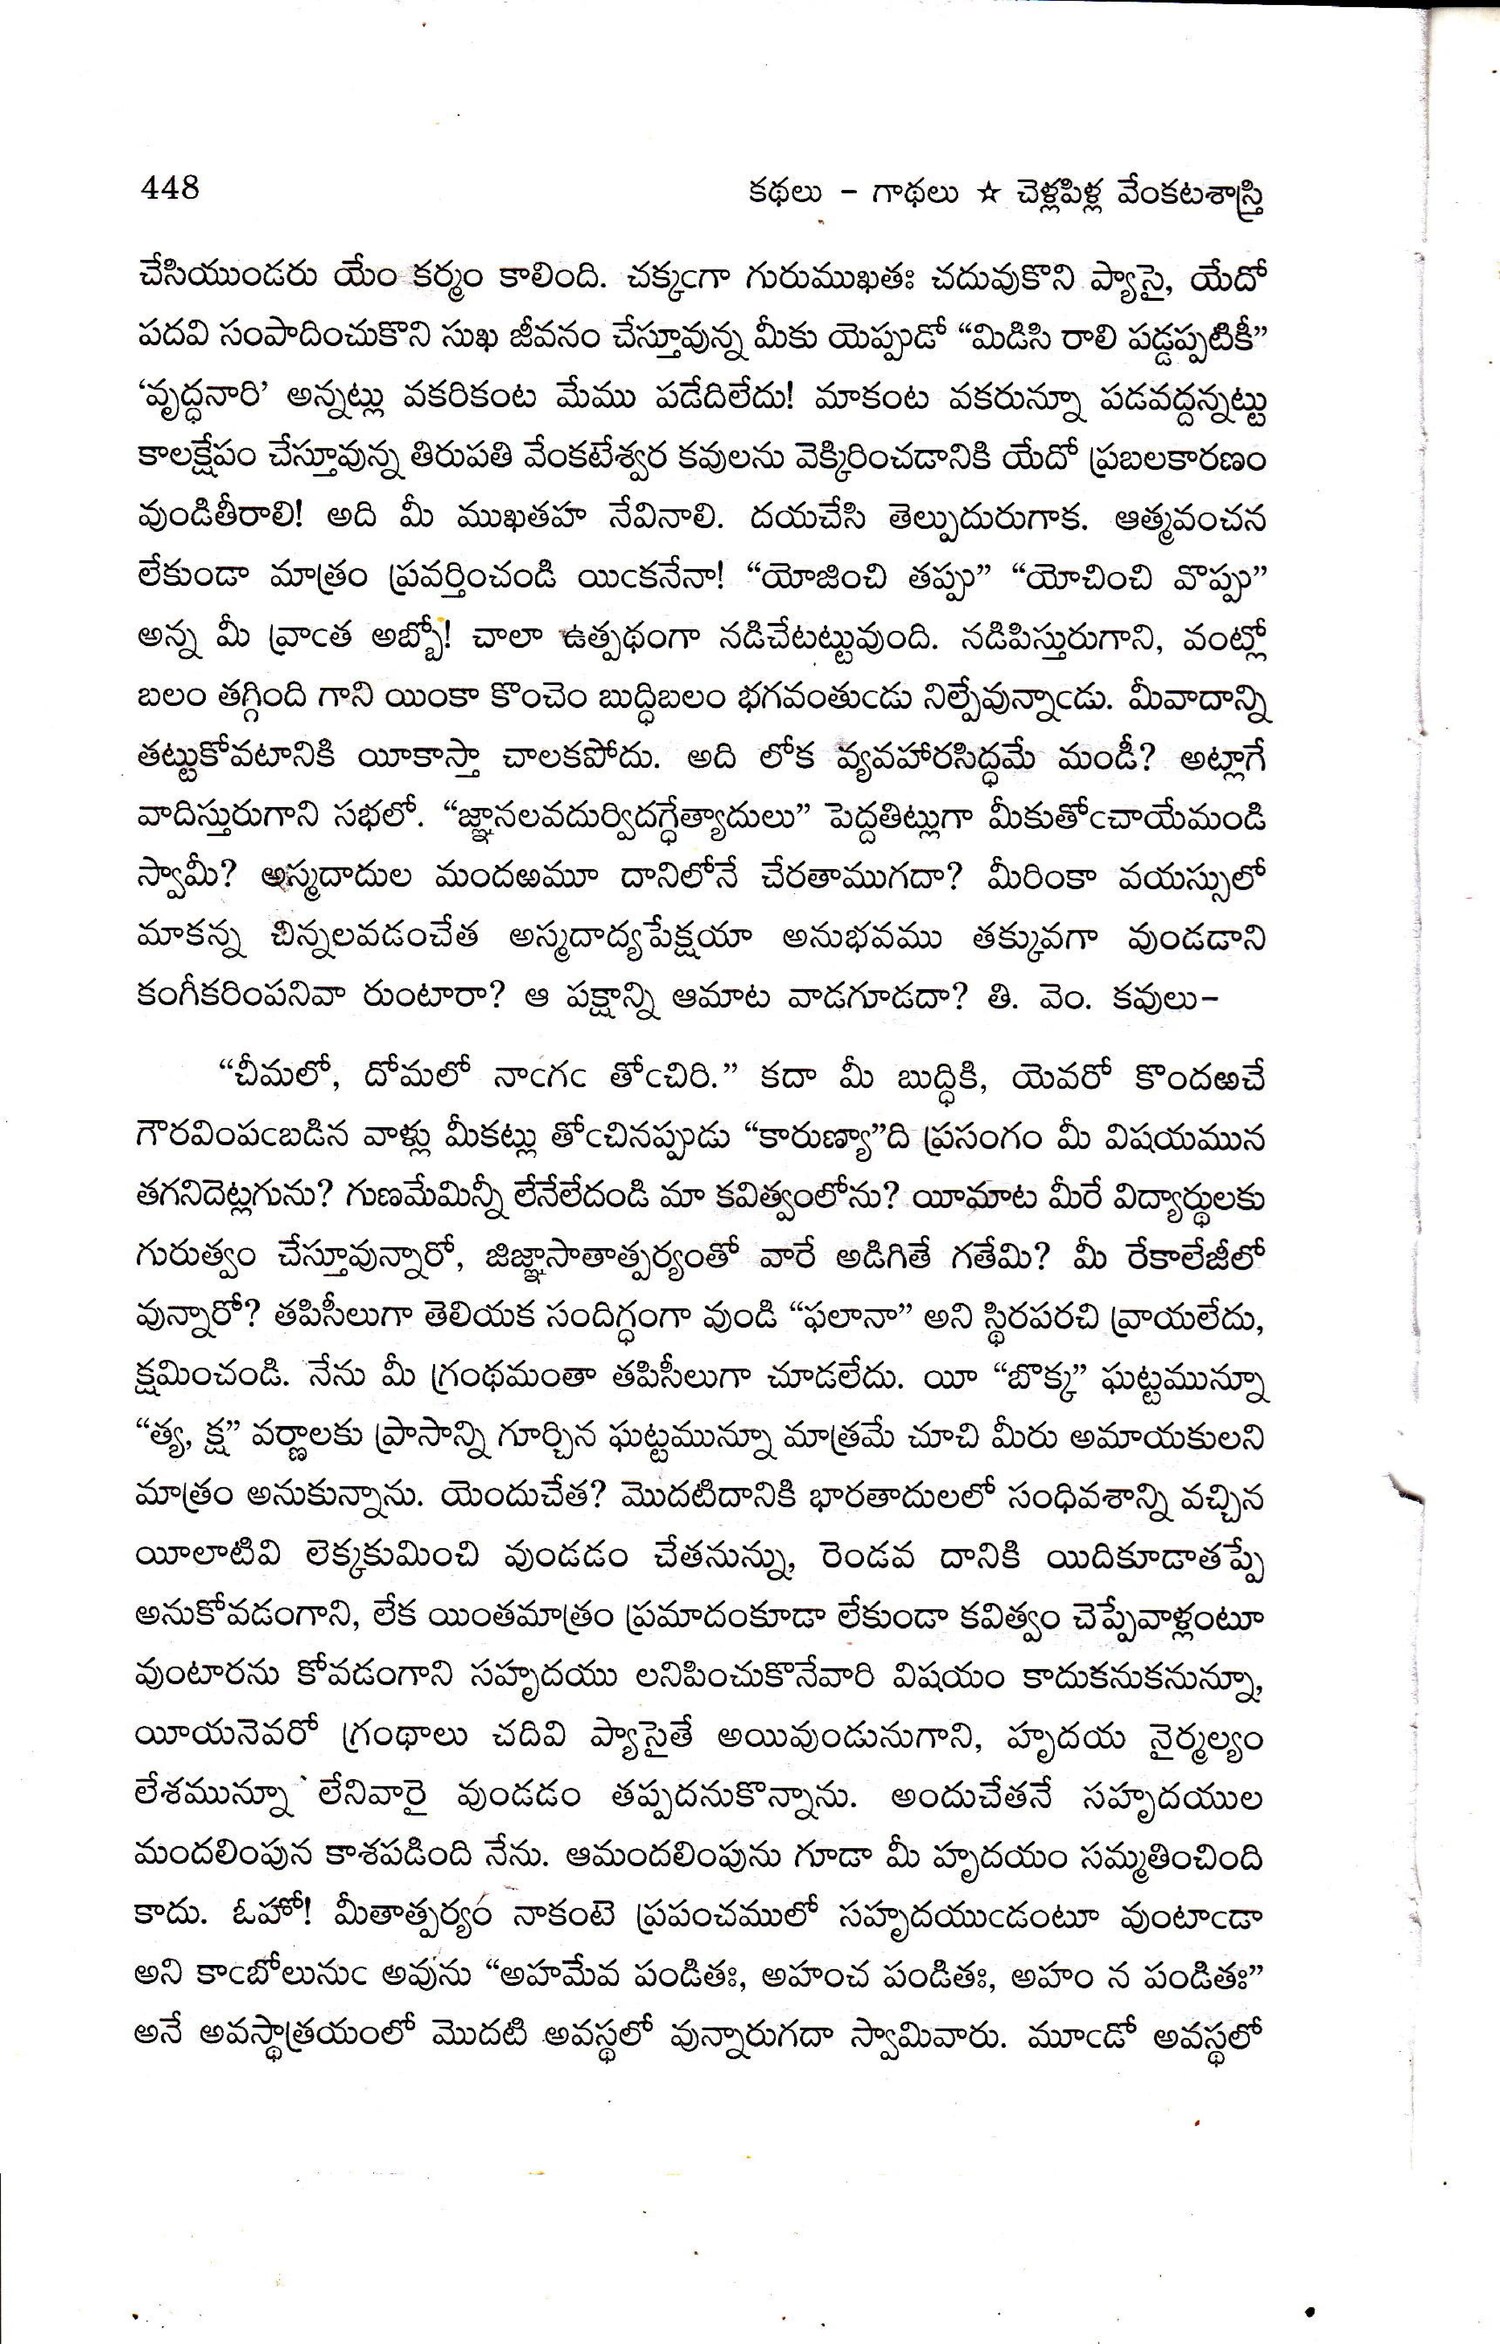చేసియుండరు యేం కర్మం కాలింది. చక్కఁగా గురుముఖతః చదువుకొని ప్యాసై, యేదో పదవి సంపాదించుకొని సుఖ జీవనం చేస్తూవున్న మీకు యెప్పుడో “మిడిసి రాలి పడ్డప్పటికీ" 'వృద్ధనారి' అన్నట్లు వకరికంట మేము పడేదిలేదు! మాకంట వకరున్నూ పడవద్దన్నట్టు కాలక్షేపం చేస్తూవున్న తిరుపతి వేంకటేశ్వర కవులను వెక్కిరించడానికి యేదో ప్రబలకారణం వుండితీరాలి! అది మీ ముఖతహ నేవినాలి. దయచేసి తెల్పుదురుగాక. ఆత్మవంచన లేకుండా మాత్రం ప్రవర్తించండి యిఁకనేనా! “యోజించి తప్పు” “యోచించి వొప్పు" అన్న మీ వ్రాఁత అబ్బో.! చాలా ఉత్పథంగా నడిచేటట్టువుంది. నడిపిస్తురుగాని, వంట్లో బలం తగ్గింది గాని యింకా కొంచెం బుద్ధిబలం భగవంతుఁడు నిల్పేవున్నాఁడు. మీవాదాన్ని తట్టుకోవటానికి యీకాస్తా చాలకపోదు. అది లోక వ్యవహారసిద్ధమే మండీ? అట్లాగే వాదిస్తురుగాని సభలో "జ్ఞానలవదుర్విదగ్ధేత్యాదులు" పెద్దతిట్లుగా మీకుతోcచాయేమండి స్వామీ? అస్మదాదుల మందఱమూ దానిలోనే చేరతాముగదా? మీరింకా వయస్సులో మాకన్న చిన్నలవడంచేత అస్మదాద్యపేక్షయా అనుభవము తక్కువగా వుండడాని కంగీకరింపనివా రుంటారా? ఆ పక్షాన్ని ఆమాట వాడగూడదా? తి. వెం. కవులు

“చీమలో, దోమలో నాఁగఁ తోఁచిరి. ” కదా మీ బుద్ధికి, యెవరో కొందఱచే గౌరవింపఁబడిన వాళ్లు మీకట్లు తోఁచినప్పడు “కారుణ్యా"ది ప్రసంగం మీ విషయమున తగనిదెట్లగును? గుణమేమిన్నీ లేనేలేదండి మా కవిత్వంలోను? యీమాట మీరే విద్యార్థులకు గురుత్వం చేస్తూవున్నారో, జిజ్ఞాసాతాత్పర్యంతో వారే అడిగితే గతేమి? మీ రేకాలేజీలో వున్నారో? తపిసీలుగా తెలియక సందిగ్ధంగా వుండి "ఫలానా" అని స్థిరపరచి వ్రాయలేదు, క్షమించండి. నేను మీ గ్రంథమంతా తపిసీలుగా చూడలేదు. యీ “బొక్క" ఘట్టమున్నూ “త్య, క్ష" వర్ణాలకు ప్రాసాన్ని గూర్చిన ఘట్టమున్నూ మాత్రమే చూచి మీరు అమాయకులని మాత్రం అనుకున్నాను. యెందుచేత? మొదటిదానికి భారతాదులలో సంధివశాన్ని వచ్చిన యీలాటివి లెక్కకుమించి వుండడం చేతనున్ను రెండవ దానికి యిదికూడాతప్పే అనుకోవడంగాని, లేక యింతమాత్రం ప్రమాదంకూడా లేకుండా కవిత్వం చెప్పేవాళ్లంటూ వుంటారను కోవడంగాని సహృదయు లనిపించుకొనేవారి విషయం కాదుకనుకనున్నూ యీయనెవరో గ్రంథాలు చదివి ప్యాసైతే అయివుండునుగాని, హృదయ నైర్మల్యం లేశమున్నూ లేనివారై వుండడం తప్పదనుకొన్నాను. అందుచేతనే సహృదయుల మందలింపున కాశపడింది నేను. ఆమందలింపును గూడా మీ హృదయం సమ్మతించింది కాదు. ఓహో! మీతాత్పర్యం నాకంటె ప్రపంచములో సహృదయుఁడంటూ వుంటాఁడా అని కాంబోలునుం అవును “అహమేవ పండితః, అహంచ పండితః, అహం న పండితః" అనే అవస్థాత్రయంలో మొదటి అవస్థలో వున్నారుగదా స్వామివారు. మూఁడో అవస్థలో